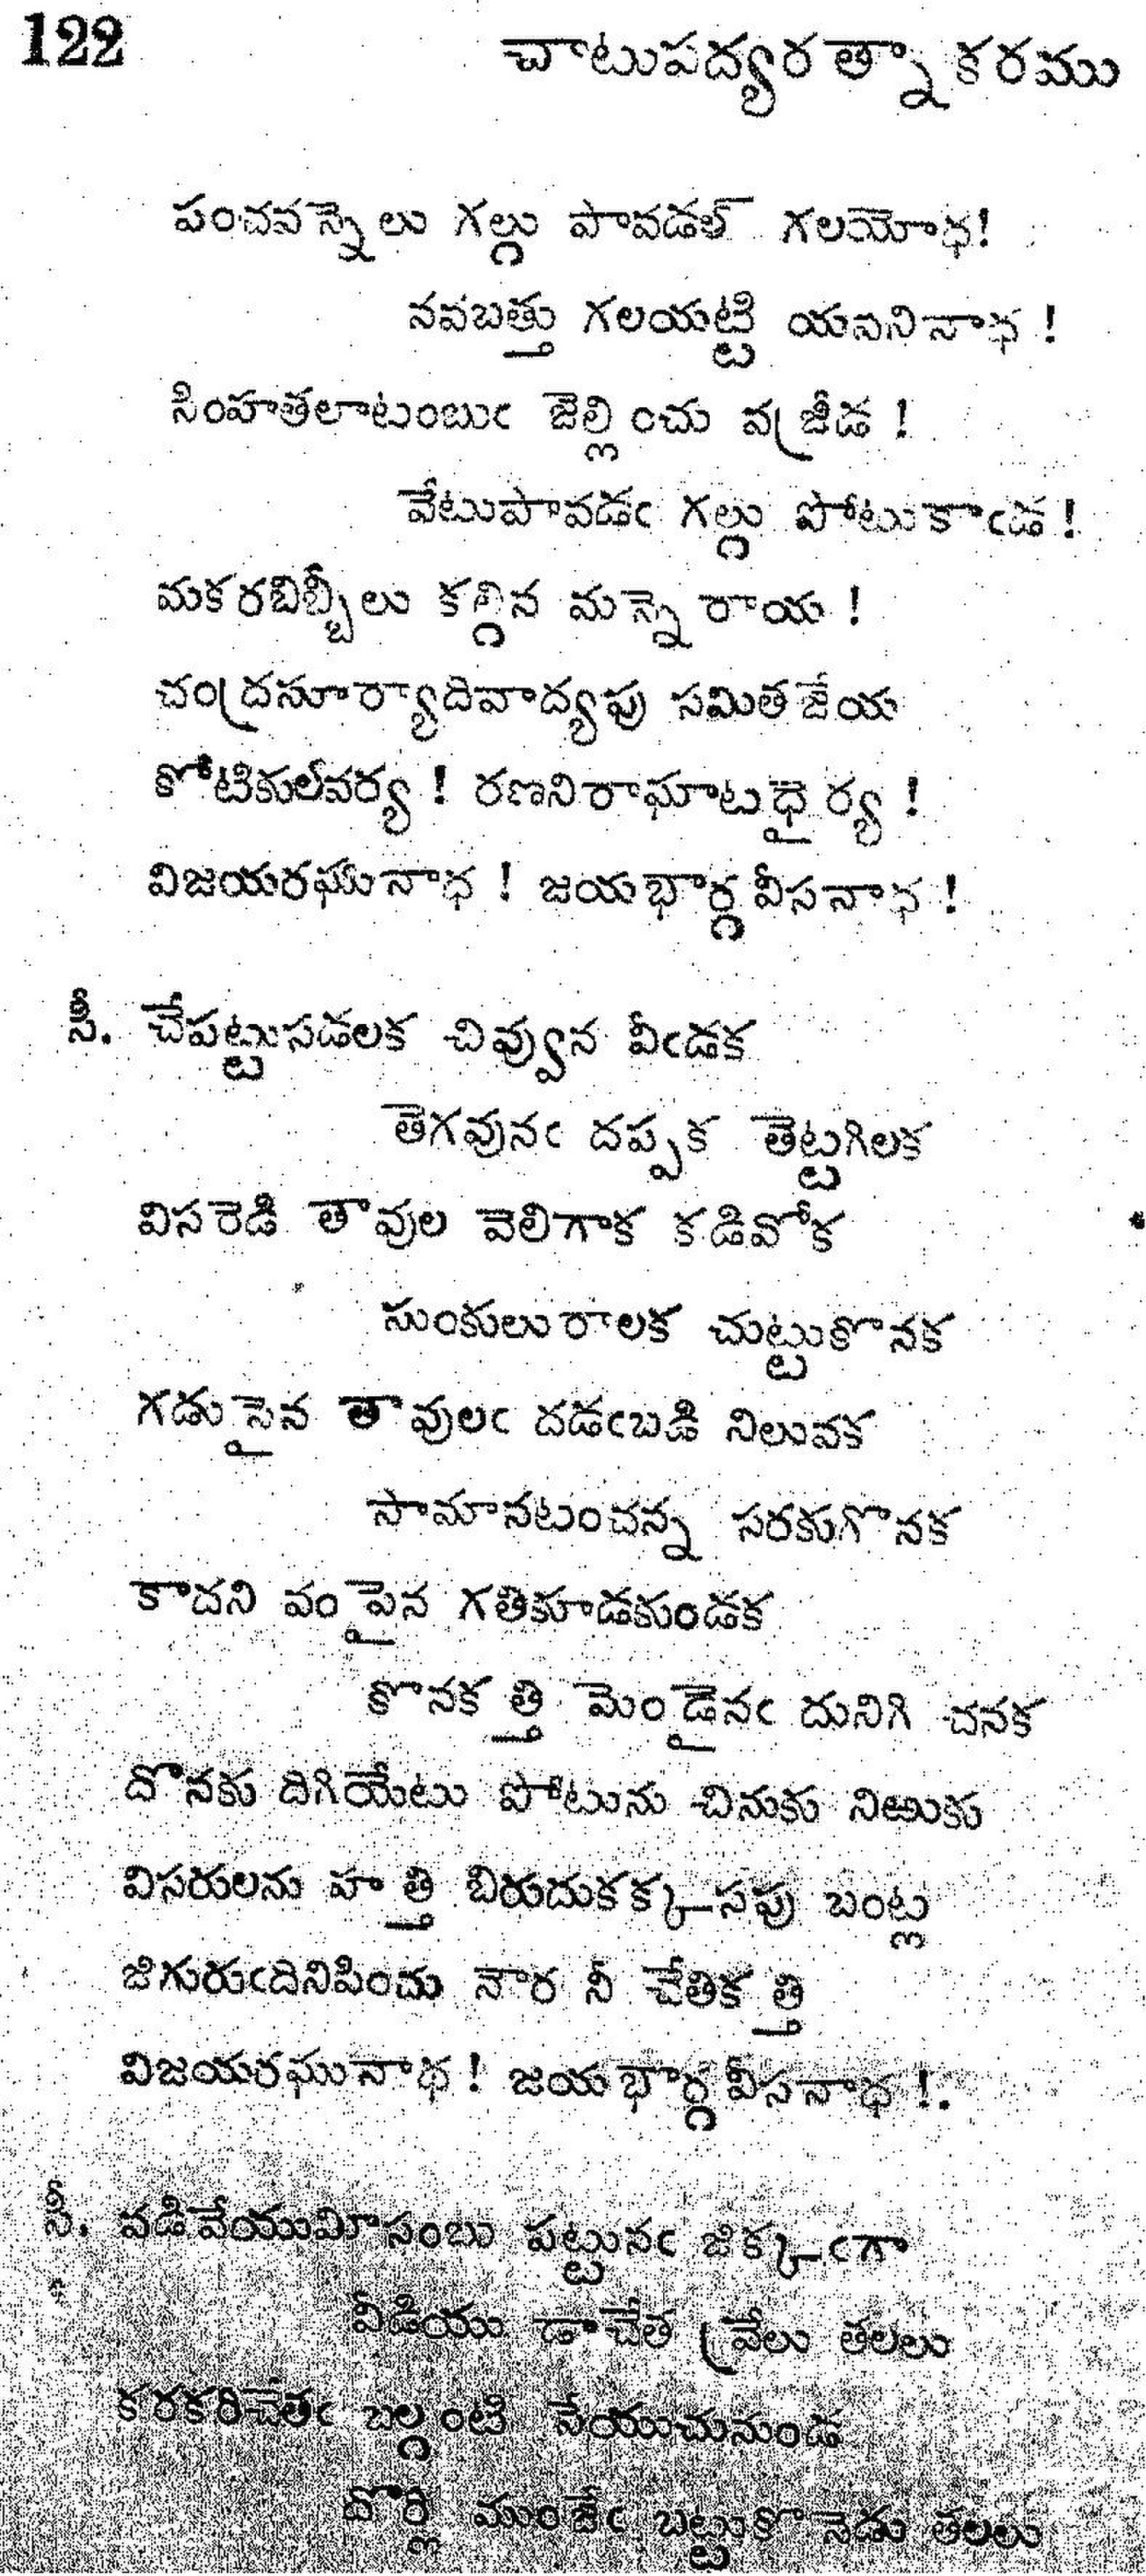పంచవన్నెలు గల్గు పావడల్ గలయోధ!
 నవబత్తు గలయట్టి యవనినాథ!
 సింహతలాటంబుఁ జెల్లించు వజ్రీడ!
 వేటుపావడఁ గల్గు పోటుకాఁడ!
 మకరబిబ్బీలు కల్గిన మన్నెరాయ!
 చంద్రసూర్యాదివాద్యపు సమితజేయ
 కోటికులవర్య! రణనిరాఘాటధైర్య!
 విజయరఘునాథ! జయభార్గవీసనాథ!

సీ. చేపట్టు సడలక చివ్వున వీఁడక
 తెగవునఁ దప్పగ తెట్టగిలక
 విసరెడి తావుల వెలిగాక కడివోక
 సుంకులు రాలక చుట్టుకొనక
 గడుసైన తావులఁ దడఁబడి నిలువక
 సామానటంచన్న సరకుగొనక
 కాదని వంపైన గతికూడకుండక
 కొనకత్తి మెండైనఁ దునిగి చనక
 దొనకు దిగియేటు పోటును చినుకు నిఱుకు
 విసరులను హత్తి బిరుదుకక్కసపు బంట్ల
 జిగురుఁ దినిపించు నౌర నీ చేతికత్తి
 విజయరఘునాథ! జయభార్గవీసనాథ!

సీ. వడివేయు మీసంబు పట్టునఁ జిక్కఁగా
 వీడియు డాచేత వ్రేలు తలలు
 కరకరచేతఁ బల్గంటి సేయుచునుండ
 దొర్లి ముంజేఁత బట్టుకొనెడు తలలు